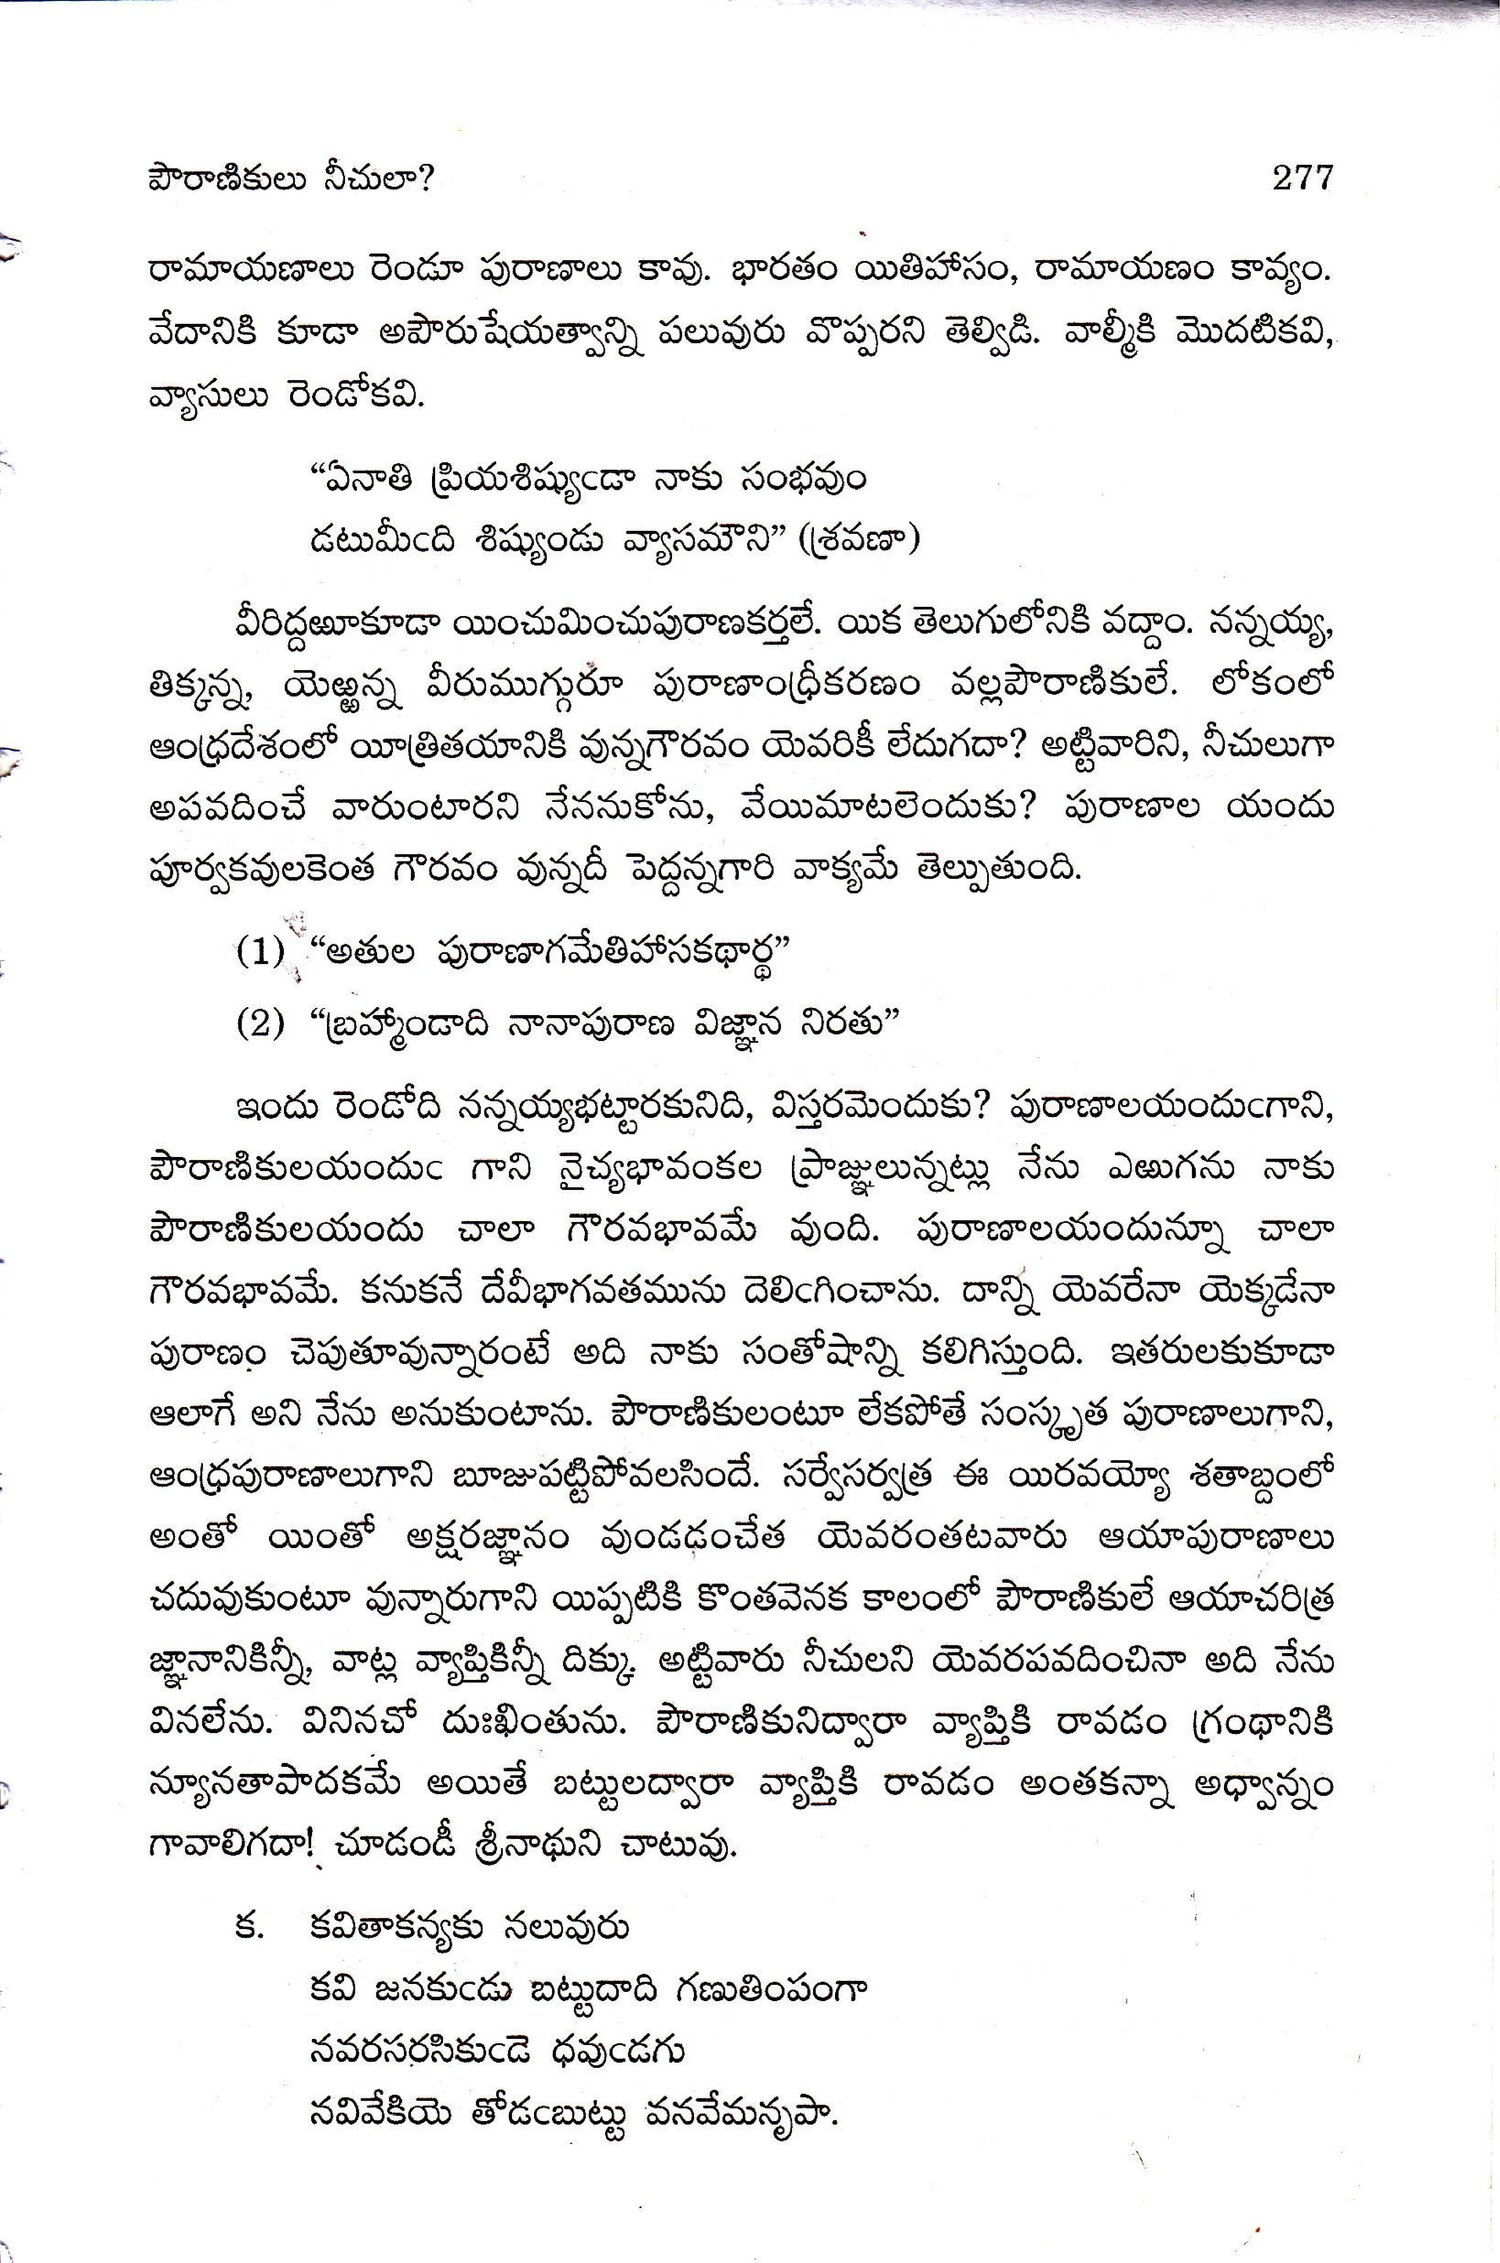రామాయణాలు రెండూ పురాణాలు కావు. భారతం యితిహాసం, రామాయణం కావ్యం. వేదానికి కూడా అపౌరుషేయత్వాన్ని పలువురు వొప్పరని తెల్విడి. వాల్మీకి మొదటికవి, వ్యాసులు రెండోకవి.

“ఏనాతి ప్రియశిష్యుఁడా నాకు సంభవుం 
 డటుమీఁది శిష్యుండు వ్యాసమౌని" (శ్రవణా)
వీరిద్దఱూకూడా యించుమించుపురాణకర్తలే. యిక తెలుగులోనికి వద్దాం. నన్నయ్య, తిక్కన్న, యెఱ్ఱన్న వీరుముగ్గురూ పురాణాంద్రీకరణం వల్ల పౌరాణికులే. లోకంలో ఆంధ్రదేశంలో యీత్రితయానికి వున్నగౌరవం యెవరికీ లేదుగదా? అట్టివారిని, నీచులుగా అపవదించే వారుంటారని నేననుకోను, వేయిమాటలెందుకు? పురాణాల యందు పూర్వకవులకెంత గౌరవం వున్నదీ పెద్దన్నగారి వాక్యమే తెల్పుతుంది.

(1) "అతుల పురాణాగమేతిహాసకథార్థ" 

(2) "బ్రహ్మాండాది నానాపురాణ విజ్ఞాన నిరతు"

ఇందు రెండోది నన్నయ్యభట్టారకునిది, విస్తరమెందుకు? పురాణాలయందుఁగాని, పౌరాణికులయందుఁ గాని నైచ్యభావంకల ప్రాజ్ఞులున్నట్లు నేను ఎఱుగను నాకు పౌరాణికులయందు చాలా గౌరవభావమే వుంది. పురాణాలయందున్నూ చాలా గౌరవభావమే. కనుకనే దేవీభాగవతమును దెలిఁగించాను. దాన్ని యెవరేనా యెక్కడేనా పురాణం చెపుతూవున్నారంటే అది నాకు సంతోషాన్ని కలిగిస్తుంది. ఇతరులకుకూడా ఆలాగే అని నేను అనుకుంటాను. పౌరాణికులంటూ లేకపోతే సంస్కృత పురాణాలుగాని, ఆంధ్రపురాణాలుగాని బూజుపట్టిపోవలసిందే. సర్వేసర్వత్ర ఈ యిరవయ్యో శతాబ్దంలో అంతో యింతో అక్షరజ్ఞానం వుండడంచేత యెవరంతటవారు ఆయాపురాణాలు చదువుకుంటూ వున్నారుగాని యిప్పటికి కొంతవెనక కాలంలో పౌరాణికులే ఆయాచరిత్ర జ్ఞానానికిన్నీ వాట్ల వ్యాప్తికిన్నీ దిక్కు అట్టివారు నీచులని యెవరపవదించినా అది నేను వినలేను. వినినచో దుఃఖింతును. పౌరాణికునిద్వారా వ్యాప్తికి రావడం గ్రంథానికి న్యూనతాపాదకమే అయితే బట్టులద్వారా వ్యాప్తికి రావడం అంతకన్నా అధ్వాన్నం గావాలిగదా! చూడండీ శ్రీనాథుని చాటువు.

క. కవితాకన్యకు నలువురు
 కవి జనకుఁడు బట్టుదాది గణుతింపంగా 
 నవరసరసికుcడె ధవుఁడగు 
 నవివేకియె తోడఁబుట్టు వనవేమనృపా.